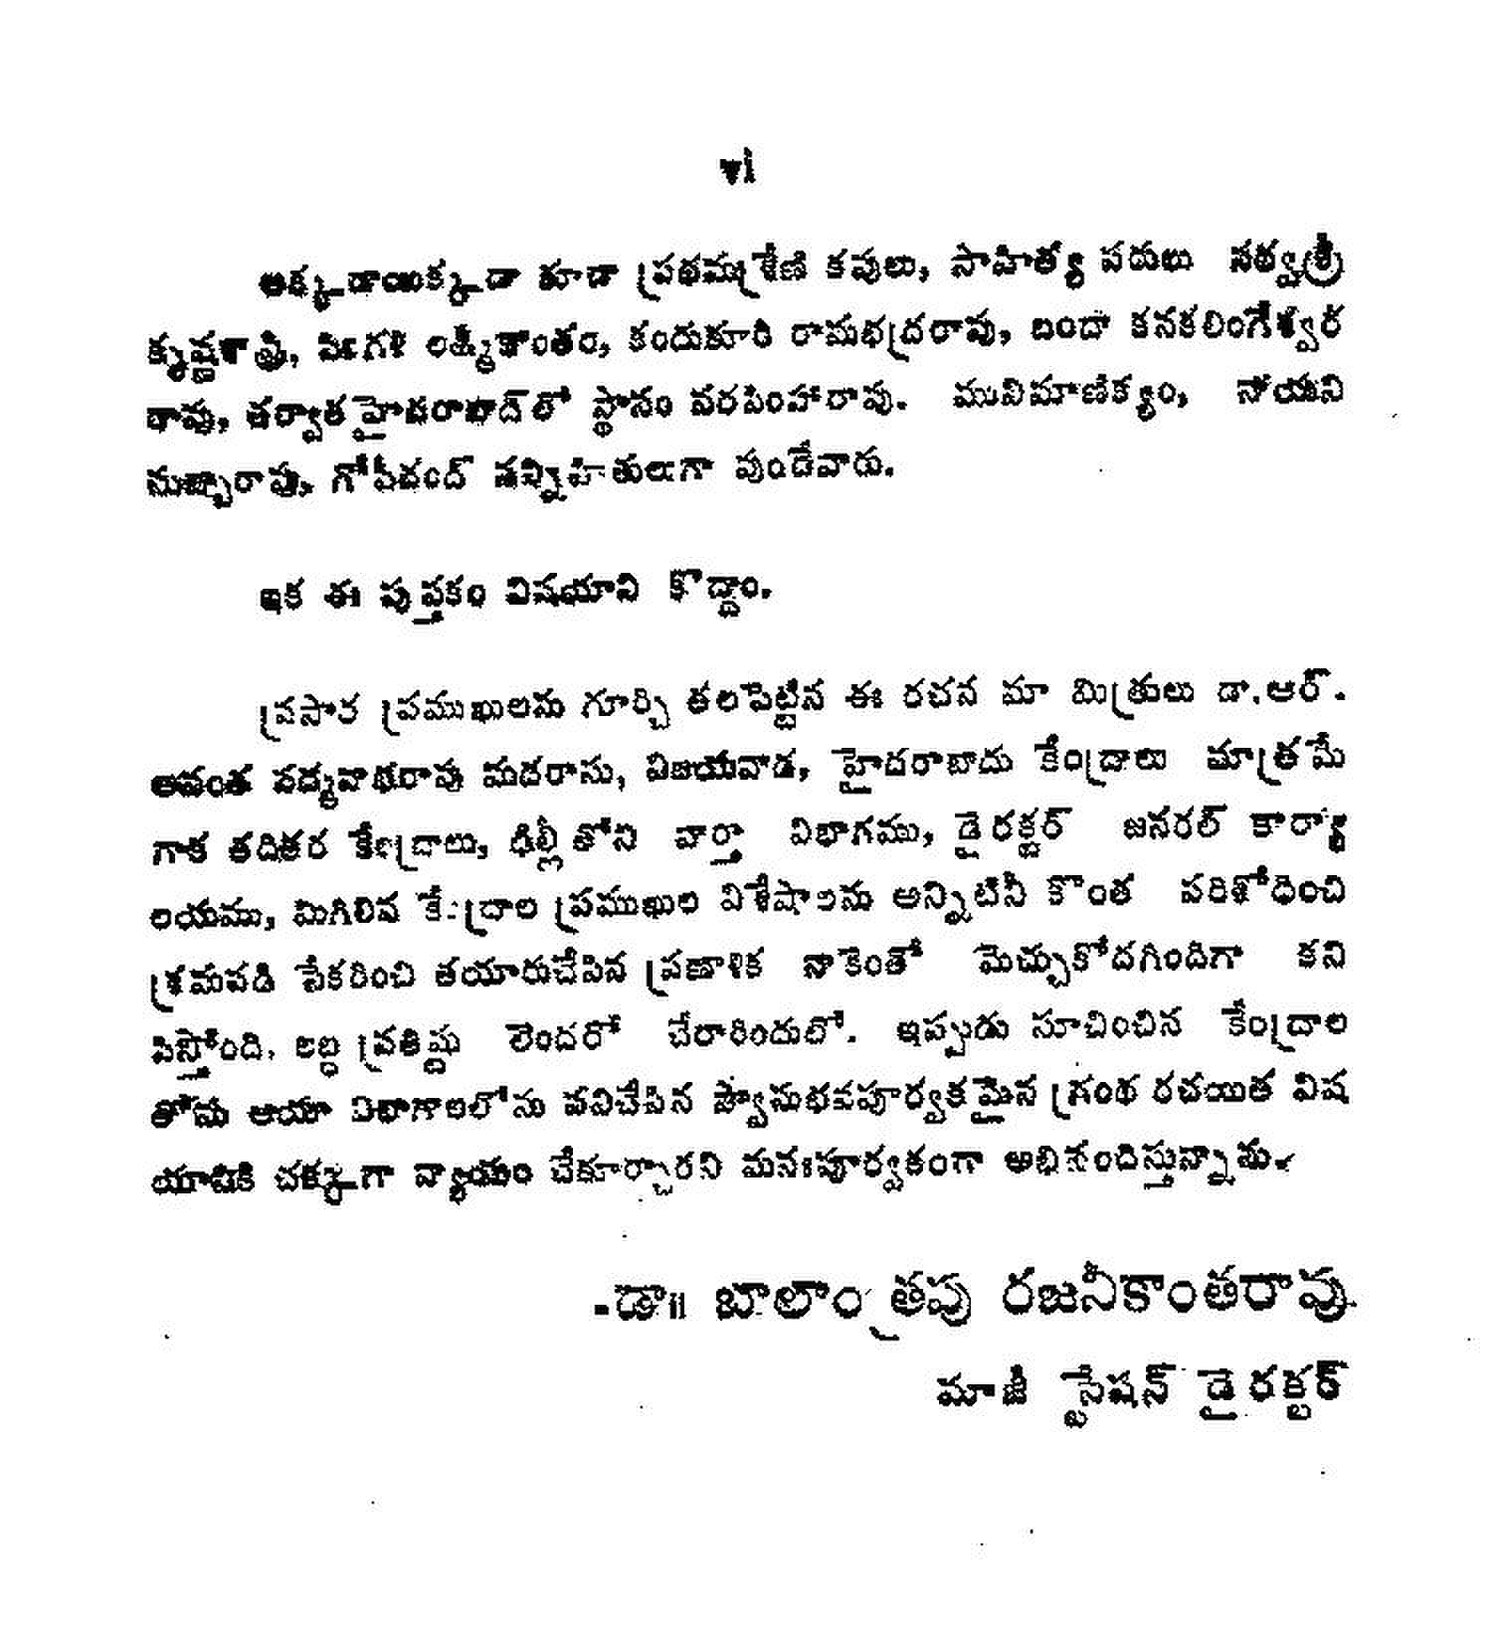అక్కడాయిక్కడా కూడా ప్రధమశ్రేణి కవులు, సాహిత్య పరులు సర్వశ్రీ కృష్ణశాస్త్రి, పింగళి లక్ష్మీకాంతం, కందుకూరి రామభద్రరావు, బందా కనకలింగేశ్వరరావు, తర్వాత హైదరాబాద్‌లో స్థానం నరసింహారావు, మునిమాణిక్యం, నాయని సుబ్బారావు, గోపీచంద్ సన్నిహితులుగా వుండేవారు.

ఇక ఈ పుస్తకం విషయాని కొద్దాం.

ప్రసార ప్రముఖులను గూర్చి తలపెట్టిన ఈ రచన మా మిత్రులు డా. ఆర్. అనంత పద్మనాభరావు మదరాసు, విజయవాడ, హైదరాబాదు కేంద్రాలు మాత్రమే గాక తదితర కేంద్రాలు, ఢిల్లీలోని వార్తా విభాగము, డైరక్టర్ జనరల్ కార్యాలయము, మిగిలిన కేంద్రాల ప్రముఖుల విశేషాలను అన్నిటినీ కొంత పరిశోధించి శ్రమపడి సేకరించి తయారుచేసిన ప్రణాళిక నాకెంతో మెచ్చుకోదగిందిగా కనిపిస్తోంది. లబ్ధ ప్రతిష్టు లెందరో చేరారిందులో. ఇప్పుడు సూచించిన కేంద్రాలలోను ఆయా విభాగాలలోను పనిచేసిన స్వానుభవపూర్వకమైన గ్రంథ రచయిత విషయానికి చక్కగా న్యాయం చేకూర్చారని మన:పూర్వకంగా అభినందిస్తున్నాను.